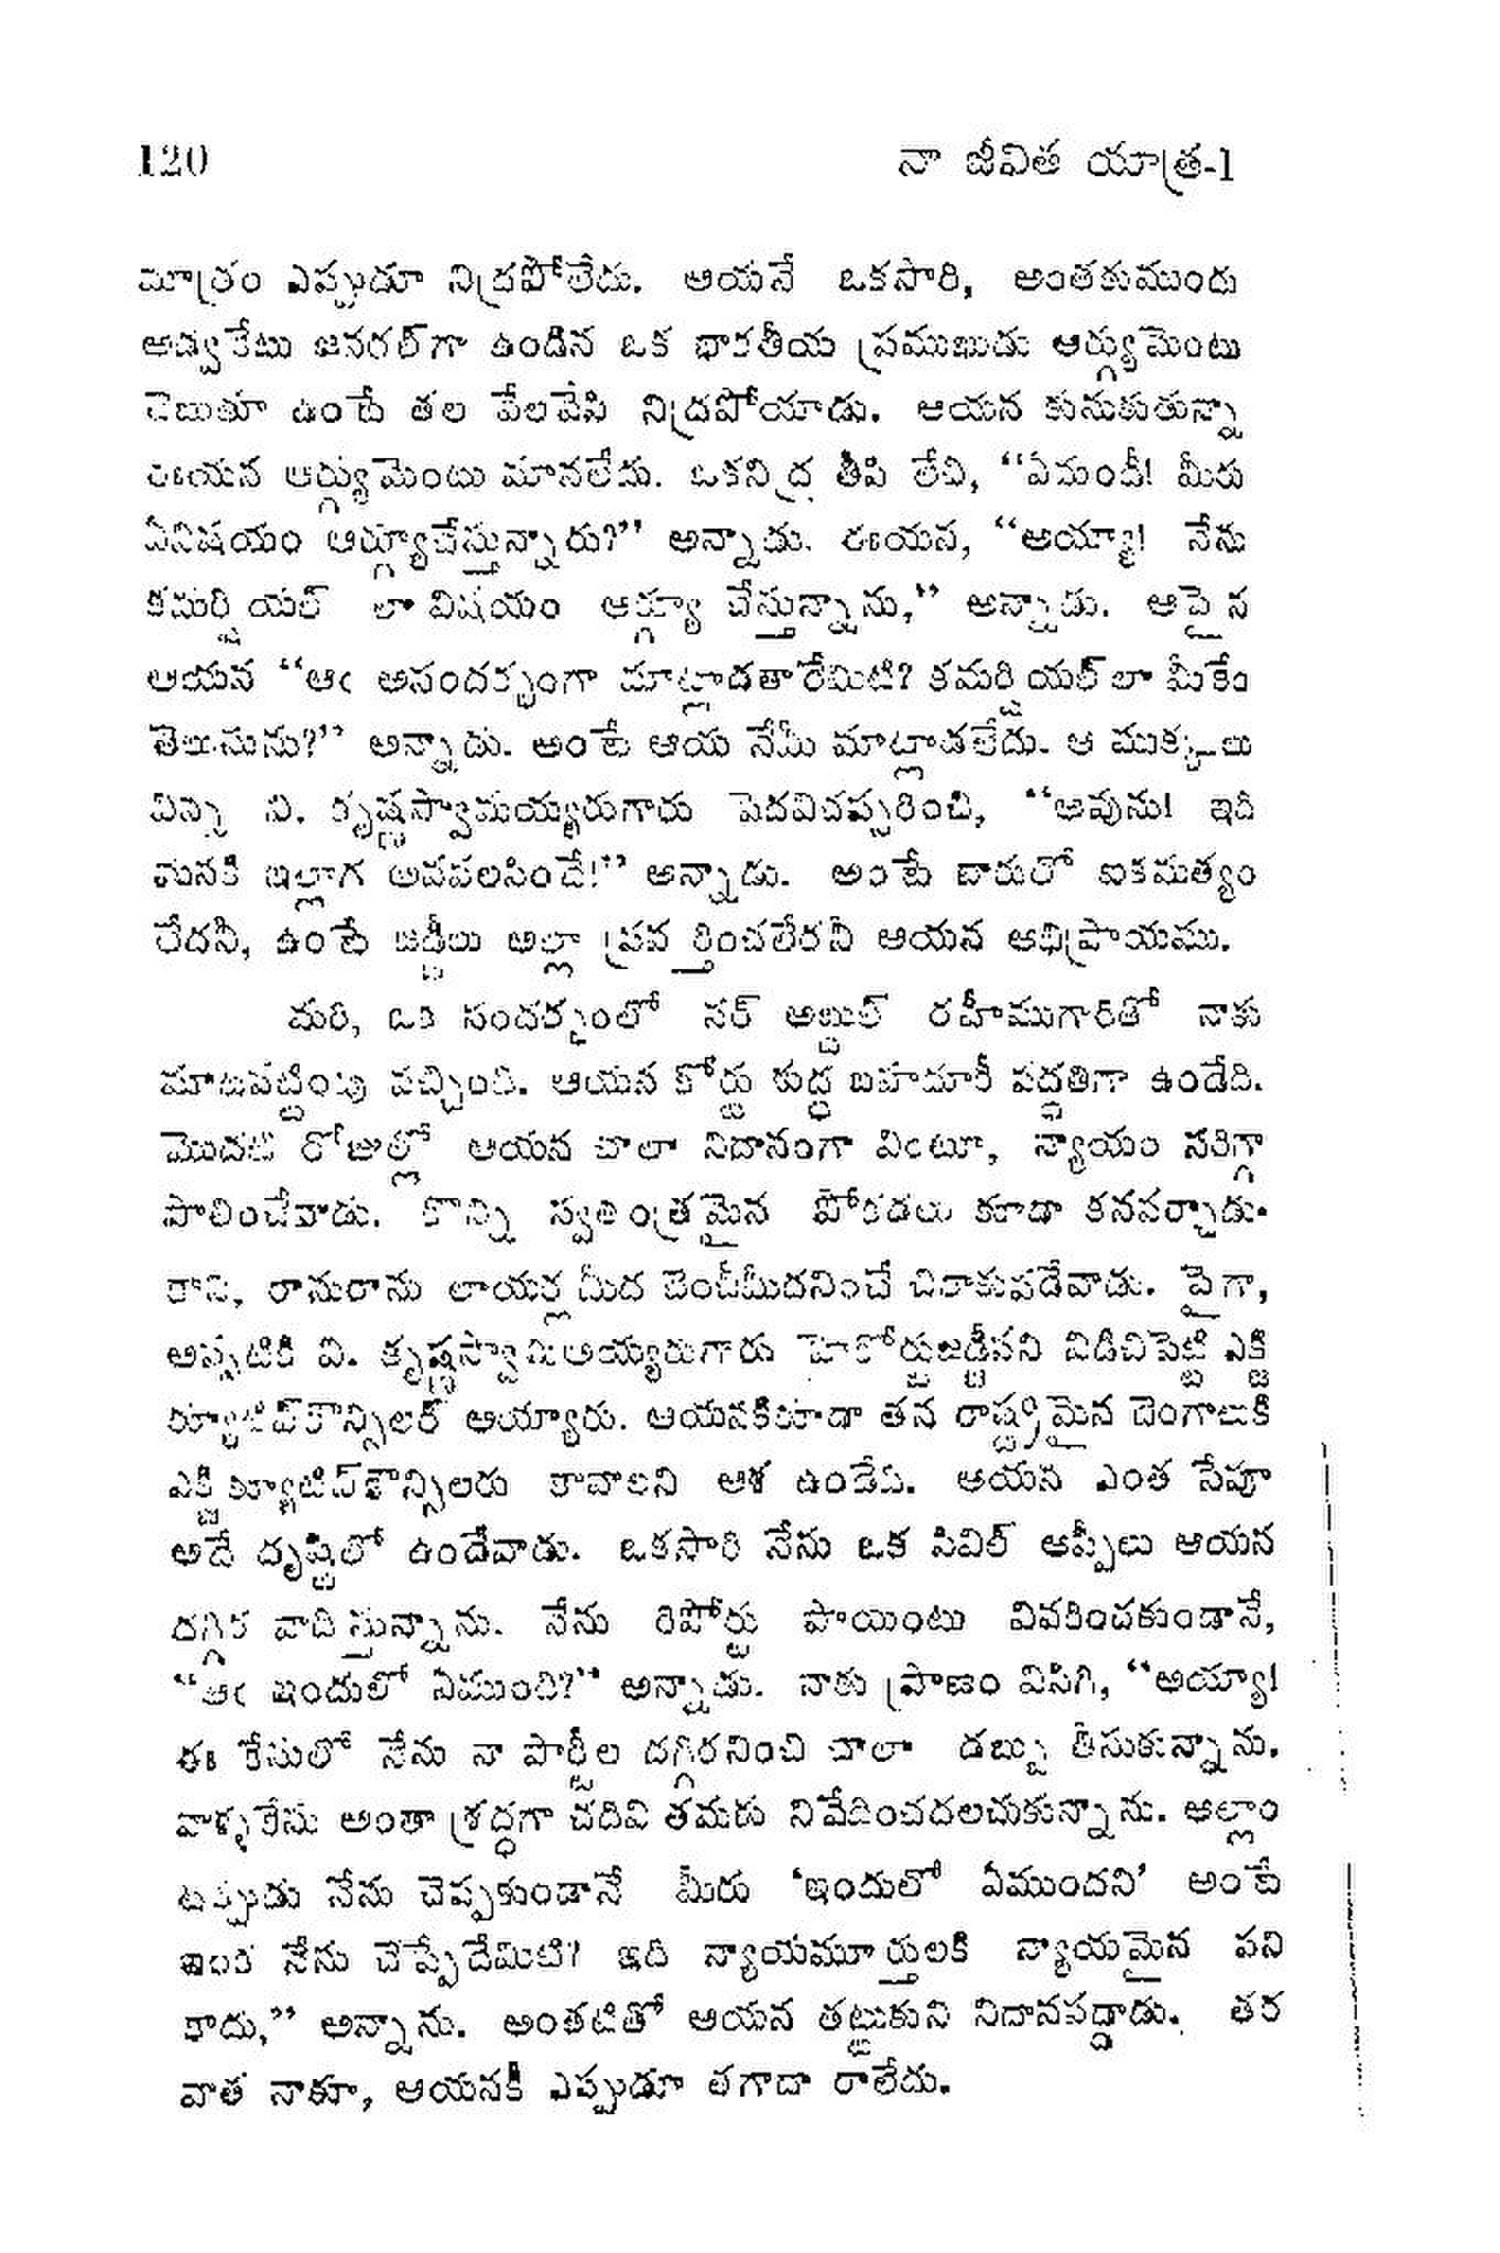మాత్రం ఎప్పుడూ నిద్రపోలేదు. ఆయనే ఒకసారి, అంతకుముందు అడ్వకేటు జనరల్‌గా ఉండిన ఒక భారతీయ ప్రముఖుడు ఆర్గ్యుమెంటు చెబుతూ ఉంటే తల వేలవేసి నిద్రపోయాడు. ఆయన కునుకుతున్నా ఈయన ఆర్గ్యుమెంటు మానలేదు. ఒకనిద్ర తీసి లేచి, "ఏమండీ! మీరు ఏవిషయం ఆర్గ్యూచేస్తున్నారు?" అన్నాడు. ఈయన "అయ్యా! నేను కమర్షియల్ లా విషయం ఆర్గ్యూ చేస్తున్నాను," అన్నాడు. అపైన ఆయన "ఆ అసందర్బంగా మాట్లాడతారేమిటి? కమర్షియల్ లా మీకేం తెలుసును?" అన్నాడు. అంటే ఆయ నేమీ మాట్లాడలేదు. ఆ ముక్కలు విన్న వి. కృష్ణస్వామయ్యరుగారు పెదవిచప్పరించి, "అవును! ఇది మనకి ఇల్లాగ అవవలసిందే!" అన్నాడు. అంటే బారులో ఐకమత్యం లేదనీ, ఉంటే జడ్జీలు అల్లా ప్రవర్తించలేరనీ ఆయన అభిప్రాయము.

మరి, ఒక సందర్భంలో సర్ అబ్దుల్ రహీముగారితో నాకు మాటపట్టింపు వచ్చింది. ఆయన కోర్టు శుద్ధ బహదూరీ పద్ధతిగా ఉండేది. మొదటి రోజుల్లో ఆయన చాలా నిదానంగా వింటూ, న్యాయం సరిగ్గా పాలించేవాడు. కొన్ని స్వతంత్రమైన పోకడలు కూడా కనపర్చాడు కాని, రానురాను లాయర్ల మీద బెంచీమీదనించే చికాకుపడేవాడు. పైగా అప్పటికి వి. కృష్ణస్వామి అయ్యరుగారు హైకోర్టుజడ్జీపని విడిచిపెట్టి ఎక్జిక్యూటివ్‌కౌన్సిలర్ అయ్యారు. ఆయనకికూడా తన రాష్ట్రమైన బెంగాలుకి ఎక్జిక్యూటివ్‌కౌన్సిలరు కావాలని ఆశ ఉండేది. ఆయన ఎంత సేపూ అదే దృష్టిలో ఉండేవాడు. ఒకసారి నేను ఒక సివిల్ అప్పీలు ఆయన దగ్గిర వాదిస్తున్నాను. నేను రిపోర్టు పాయింటు వివరించకుండానే, "ఆ ఇందులో ఏముంది?" అన్నాడు. నాకు ప్రాణం విసిగి, "అయ్యా ఈ కేసులో నేను నా పార్టీల దగ్గిరనించి చాలా డబ్బు తీసుకున్నాను వాళ్ళకేసు అంతా శ్రద్ధగా చదివి తమకు నివేదించదలచుకున్నాను. అల్లాంటప్పుడు నేను చెప్పకుండానే మీరు 'ఇందులో ఏముందని' అంటే ఇంక నేను చెప్పేదేమిటి? ఇది న్యాయమూర్తులకి న్యాయమైన పనికాదు," అన్నాను. అంతటితో ఆయన తట్టుకుని నిదానపడ్డాడు. తరవాత నాకూ, ఆయనకీ ఎప్పుడూ తగాదా రాలేదు.